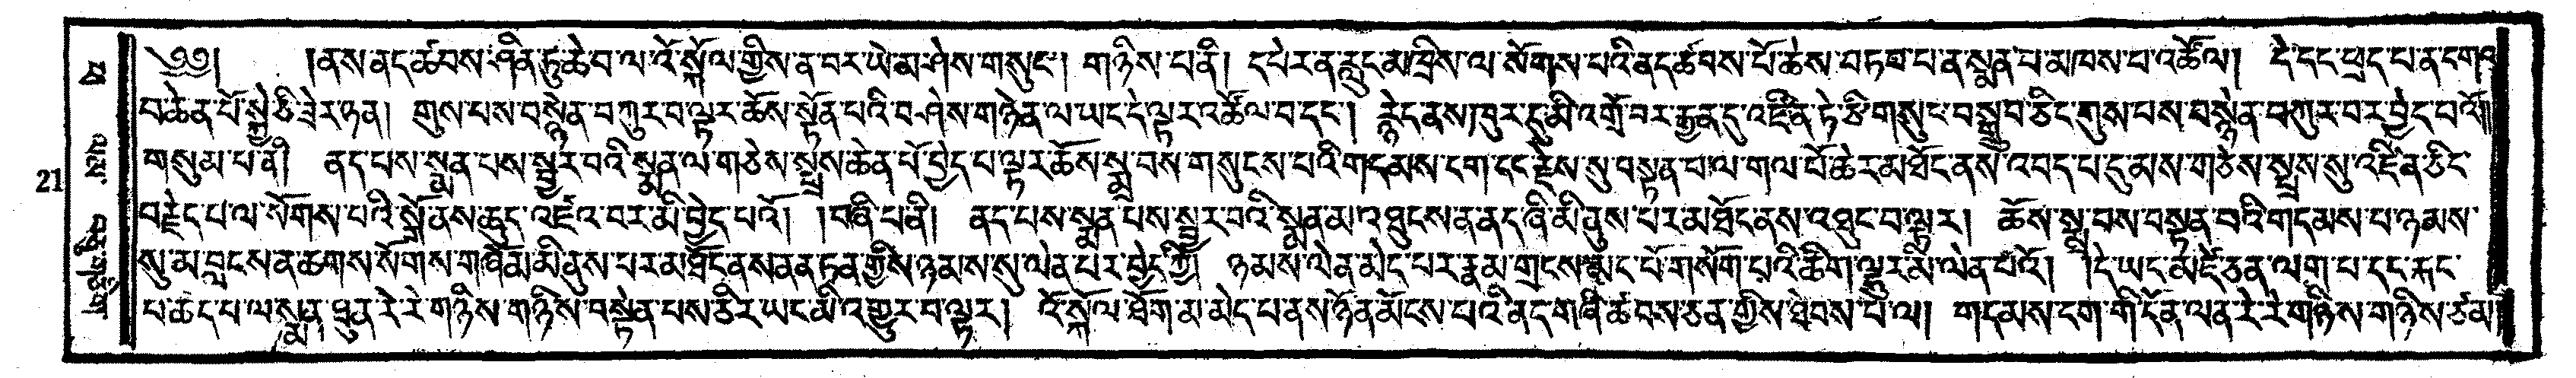༄༅། །ནས་ནད་ཚབས་ཤིན་ཏུ་ཆེ་བ་ལ་འོ་སྐོལ་གྱིས་ན་བར་ཡེ་མ་ཤེས་གསུང་། གཉིས་པ་ནི། དཔེར་ན་རླུང་མཁྲིས་ལ་སོགས་པའི་ནད་ཚབས་པོ་ཆེས་བཏབ་པ་ན་སྨན་པ་མཁས་པ་འཚོལ། དེ་དང་ཕྲད་པ་ན་དགའ་
བ་ཆེན་པོ་སྐྱེ་ཅི་ཟེར་ཉན། གུས་པས་བསྙེན་བཀུར་བ་ལྟར་ཆོས་སྟོན་པའི་བཤེས་གཉེན་ལ་ཡང་དེ་ལྟར་འཚོལ་བ་དང་། རྙེད་ནས་ཁུར་དུ་མི་འགྲོ་བར་རྒྱན་དུ་འཛིན་ཏེ་ཅི་གསུང་བསྒྲུབ་ཅིང་གུས་པས་བསྙེན་བཀུར་བར་བྱེད་པའོ།།
གསུམ་པ་ནི། ནད་པས་སྨན་པས་སྦྱར་བའི་སྨན་ལ་གཅེས་སྤྲས་ཆེན་པོ་བྱེད་པ་ལྟར་ཆོས་སྨྲ་བས་གསུངས་པའི་གདམས་ངག་དང་རྗེས་སུ་བསྟན་པ་ལ་གལ་པོ་ཆེར་མཐོང་ནས་འབད་པ་དུ་མས་གཅེས་སྤྲས་སུ་འཛིན་ཅིང་
བརྗེད་པ་ལ་སོགས་པའི་སྒོ་ནས་ཆུད་འཛའ་བར་མི་བྱེད་པའོ། །བཞི་པ་ནི། ནད་པས་སྨན་པས་སྦྱར་བའི་སྨན་མ་འཐུངས་ན་ནད་ཞི་མི་ནུས་པར་མཐོང་ནས་འཐུང་བ་ལྟར། ཆོས་སྨྲ་བས་བསྟན་བའི་གདམས་པ་ཉམས་
སུ་མ་བླངས་ན་ཆགས་སོགས་གཞོམ་མི་ནུས་པར་མཐོང་ནས་ནན་ཏན་གྱིས་ཉམས་སུ་ལེན་པར་བྱེད་ཀྱི། ཉམས་ལེན་མེད་པར་རྣམ་གྲངས་མང་པོ་གསོག་པའི་ཚིག་ལྷུར་མི་ལེན་པའོ། །དེ་ཡང་མཛེ་ཅན་ལག་པ་དང་རྐང་
པ་ཆེད་པ་ལ་སྨན་ཐུན་རེ་རེ་གཉིས་གཉིས་བསྟེན་པས་ཅིར་ཡང་མི་འགྱུར་བ་ལྟར། འོ་སྐོལ་ཐོག་མ་མེད་པ་ནས་ཉོན་མོངས་པའི་ནད་གཞི་ཚབས་ཅན་གྱིས་ཐེབས་པ་ལ། གདམས་ངག་གི་དོན་ལན་རེ་རེ་གཉིས་གཉིས་ཙམ་